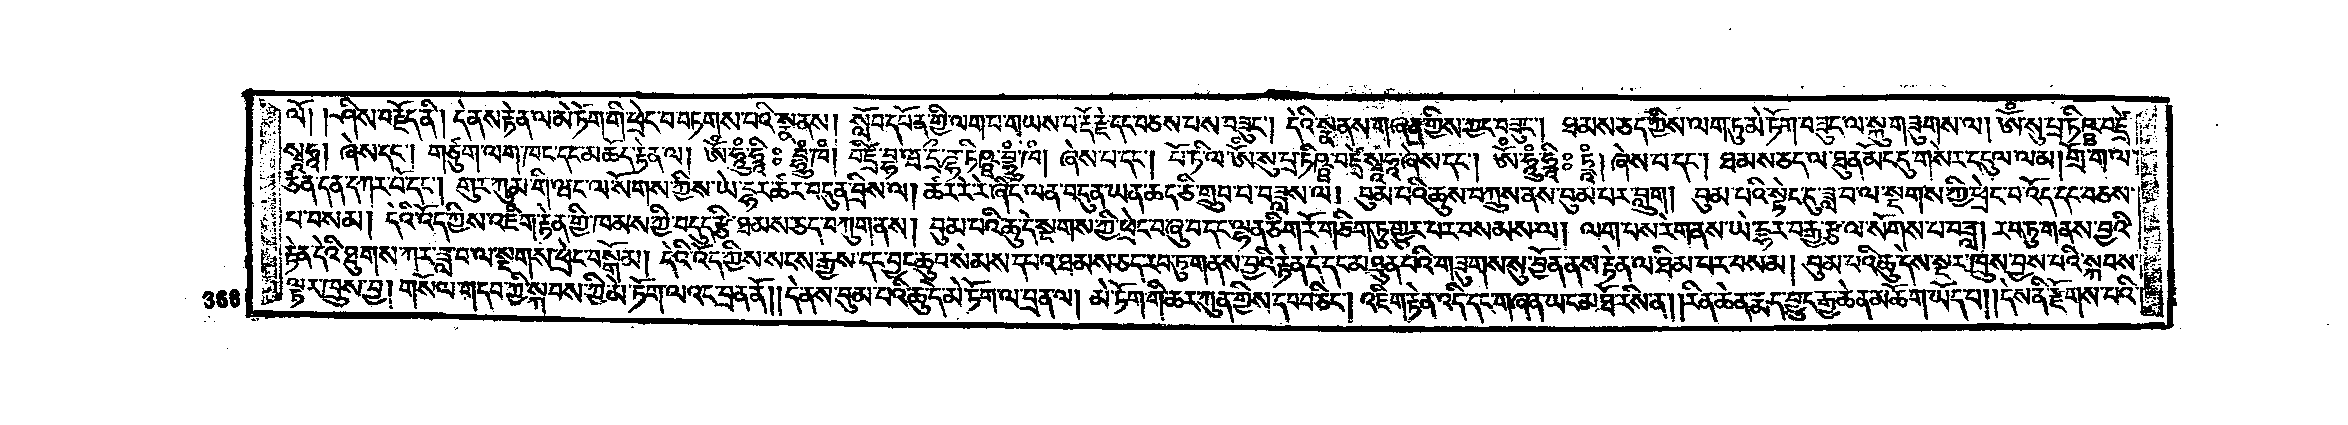ལོ། །ཤིས་བརྗོད་ནི། དེ་ནས་རྟེན་ལ་མེ་ཏོག་གི་ཕྲེང་བ་བཏགས་པའི་སྣ་ནས། སློབ་དཔོན་གྱི་ལག་པ་གཡས་པ་རྡོ་རྗེ་དང་བཅས་པས་བཟུང་། དེའི་སྣ་ནས་གཞན་གྱིས་ཀྱང་བཟུང་། ཐམས་ཅད་ཀྱིས་ལག་ཏུ་མེ་ཏོག་བཟུང་ལ་སྐུ་གཟུགས་ལ། ཨོཾ་སུ་པྲ་ཏིཥཊཿཨ་བཛྲེ་
སྭཱ་ཧཱ། ཞེས་དང་། གཙུག་ལག་ཁང་དང་མཆོད་རྟེན་ལ། ཨོཾ་ཧཱུཾ་ཧྲཱིཿ བྷྲུཾ་ཁཾ། བཛྲི་བྷ་ཝ་དྲྀ་ཌྷ་ཏིཥཊཿཨ་བྷྲུཾ་ཁཾ། ཞེས་པ་དང་། པོ་ཏི་ལ་ཨོཾ་སུ་པྲ་ཏིཥཊཿཨ་བཛྲེ་སྭཱ་ཧཱ་ཞེས་དང་། ཨོཾ་ཧཱུཾ་ཧྲཱིཿ ཏརའཾ། ཞེས་པ་དང་། ཐམས་ཅད་ལ་ཐུན་མོང་དུ་གསེར་དངུལ་ལམ། གྲོ་ག་ལ་
ཙན་དན་དཀར་པོ་དང་། གུར་ཀུམ་གི་ཝང་ལ་སོགས་ཀྱིས་ཡེ་དྷར་ཚར་བདུན་བྲིས་ལ། ཚར་རེ་རེ་ཞིང་ལན་བདུན་ཡན་ཆད་ཅི་གྲུབ་པ་བཟླས་ལ། བུམ་པའི་ཆུས་བཀྲུས་ནས་བུམ་པར་བླུག །བུམ་པའི་སྟེང་དུ་ཟླ་བ་ལ་སྔགས་ཀྱི་ཕྲེང་བ་འོད་དང་བཅས་
པ་བསམ། དེའི་འོད་ཀྱིས་འཇིག་རྟེན་གྱི་ཁམས་ཀྱི་བདུད་རྩི་ཐམས་ཅད་བཀུག་ནས། བུམ་པའི་ཆུ་དེ་སྔགས་ཀྱི་ཕྲེང་བ་ཞུ་བ་དང་ལྷན་ཅིག་རོ་གཅིག་ཏུ་གྱུར་པར་བསམས་ལ། ལག་པས་རེག་ནས་ཡེ་དྷར་བརྒྱ་རྩ་ལ་སོགས་པ་བཟླ། རབ་ཏུ་གནས་བྱའི་
རྟེན་དེའི་ཐུགས་ཀར་ཟླ་བ་ལ་སྔགས་ཕྲེང་བསྒོམ། དེའི་འོད་ཀྱིས་སངས་རྒྱས་དང་བྱང་ཆུབ་སེམས་དཔའ་ཐམས་ཅད་རབ་ཏུ་གནས་བྱའི་རྟེན་དེ་དང་མཐུན་པའི་གཟུགས་སུ་བྱོན་ནས་རྟེན་ལ་ཐིམ་པར་བསམ། བུམ་པའི་ཆུ་དེས་སྔར་ཁྲུས་བྱས་པའི་སྐབས་
ལྟར་ཁྲུས་བྱ། གསོལ་གདབ་ཀྱི་སྐབས་ཀྱི་མེ་ཏོག་ལའང་བྲན་ནོ། །དེ་ནས་བུམ་པའི་ཆུ་དེ་མེ་ཏོག་ལ་བྲན་ལ། མེ་ཏོག་གི་ཆར་ཀུན་གྱིས་དབབ་ཅིང་། འཇིག་རྟེན་འདི་དང་གཞན་ཡང་མཐོ་རིས་ན། །རིན་ཆེན་རྨད་བྱུང་རྒྱ་ཆེན་མཆོག་ཡོད་པ། །དེས་ནི་རྫོགས་པའི་